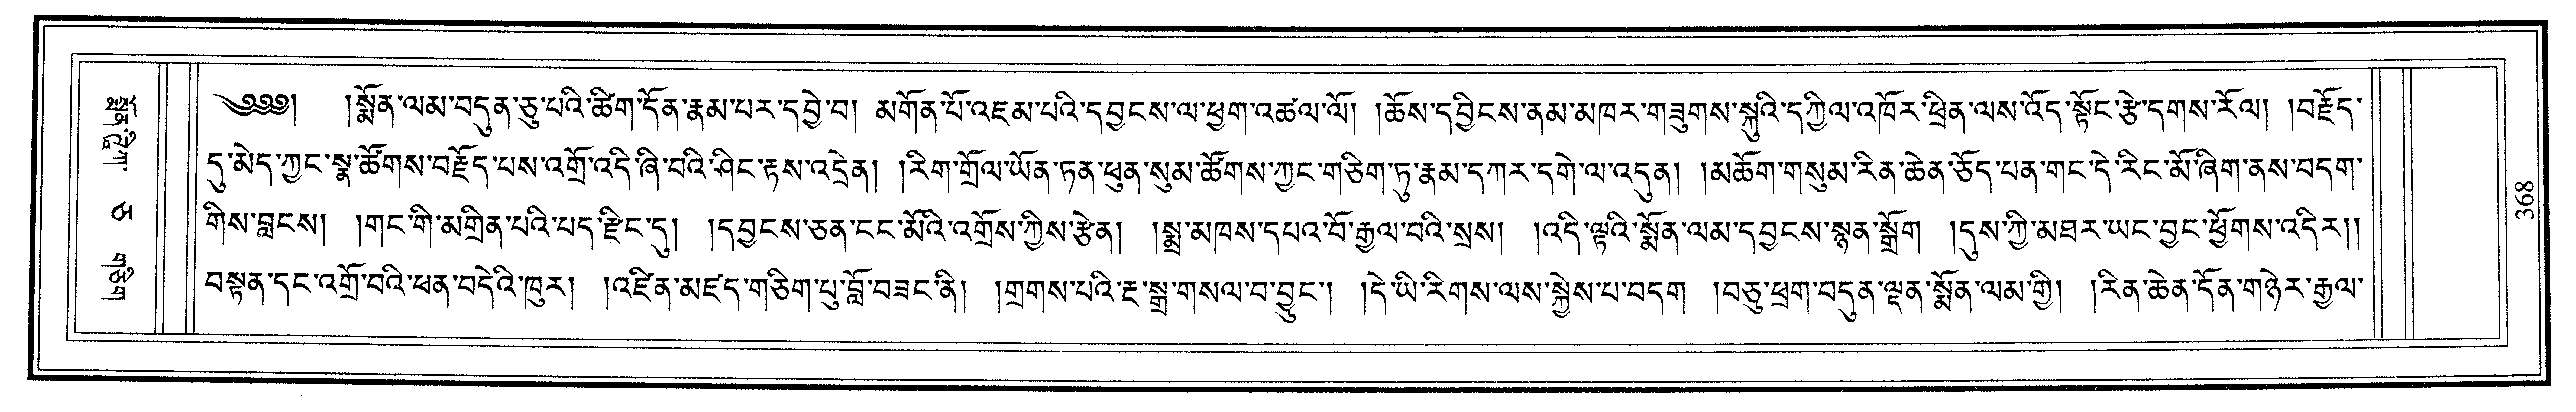༄༅༅། །སྨོན་ལམ་བདུན་ཅུ་པའི་ཚིག་དོན་རྣམ་པར་དབྱེ་བ། མགོན་པོ་འཇམ་པའི་དབྱངས་ལ་ཕྱག་འཚལ་ལོ། །ཆོས་དབྱིངས་ནམ་མཁར་གཟུགས་སྐུའི་དཀྱིལ་འཁོར་ཕྲིན་ལས་འོད་སྟོང་རྩེ་དགས་རོལ། །བརྗོད་
དུ་མེད་ཀྱང་སྣ་ཚོགས་བརྗོད་པས་འགྲོ་འདི་ཞི་བའི་ཤིང་རྟས་འདྲེན། །རིག་གྲོལ་ཡོན་ཏན་ཕུན་སུམ་ཚོགས་ཀྱང་གཅིག་ཏུ་རྣམ་དཀར་དགེ་ལ་འདུན། །མཆོག་གསུམ་རིན་ཆེན་ཅོད་པན་གང་དེ་རིང་མོ་ཞིག་ནས་བདག་
གིས་བླངས། །གང་གི་མགྲིན་པའི་པད་རྫིང་དུ། །དབྱངས་ཅན་ངང་མོའི་འགྲོས་ཀྱིས་རྩེན། །སྨྲ་མཁས་དཔའ་བོ་རྒྱལ་བའི་སྲས། །འདི་ལྟའི་སྨོན་ལམ་དབྱངས་སྙན་སྒྲོག །དུས་ཀྱི་མཐར་ཡང་བྱང་ཕྱོགས་འདིར།།
བསྟན་དང་འགྲོ་བའི་ཕན་བདེའི་ཁུར། །འཛིན་མཛད་གཅིག་པུ་བློ་བཟང་ནི། །གྲགས་པའི་རྔ་སྒྲ་གསལ་བ་བྱུང་། །དེ་ཡི་རིགས་ལས་སྐྱེས་པ་བདག །བཅུ་ཕྲག་བདུན་ལྡན་སྨོན་ལམ་གྱི། །རིན་ཆེན་དོན་གཉེར་རྒྱལ་